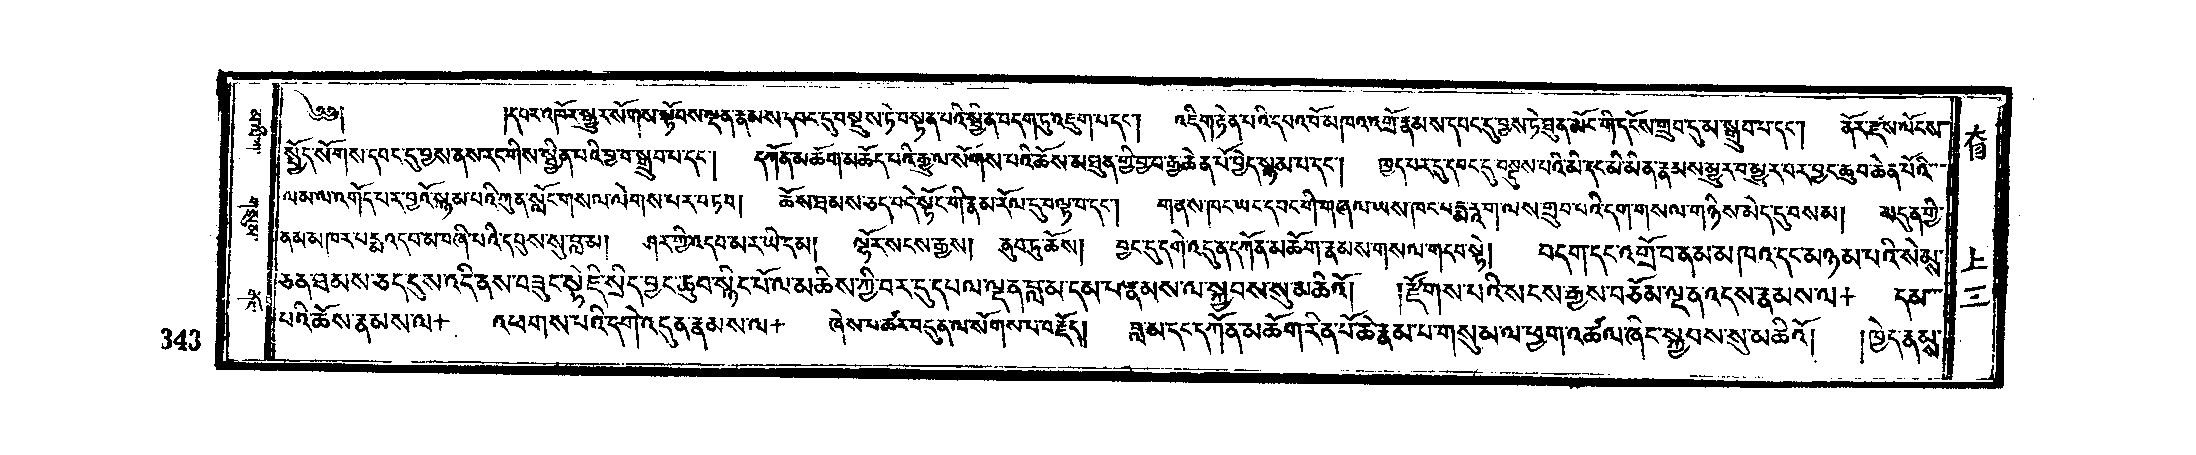༄༅། །དཔར་འཁོར་སྒྱུར་སོགས་སྟོབས་ལྡན་རྣམས་དབང་དུ་བསྡུས་ཏེ་བསྟན་པའི་སྦྱིན་བདག་ཏུ་འཇུག་པ་དང་། འཇིག་རྟེན་པའི་དཔའ་བོ་མཁའ་འགྲོ་རྣམས་དབང་དུ་བྱས་ཏེ་ཐུན་མོང་གི་དངོས་གྲུབ་དུ་མ་སྒྲུབ་པ་དང་། ནོར་རྫས་ལོངས་
སྤྱོད་སོགས་དབང་དུ་བྱས་ནས་རང་གིས་སྦྱིན་པའི་བྱ་བ་སྒྲུབ་པ་དང་། དཀོན་མཆོག་མཆོད་པའི་རྒྱུ་ལ་སོགས་པའི་ཆོས་མཐུན་གྱི་བྱ་བ་རྒྱ་ཆེན་པོ་བྱེད་སྙམ་པ་དང་། ཁྱད་པར་དུ་དབང་དུ་བསྡུས་པའི་མི་དང་མི་མིན་རྣམས་མྱུར་བ་མྱུར་བར་བྱང་ཆུབ་ཆེན་པོའི་
ལམ་ལ་འགོད་པར་བྱའོ་སྙམ་པའི་ཀུན་སློང་གསལ་ལེགས་པར་བཏབ། ཆོས་ཐམས་ཅད་བདེ་སྟོང་གི་རྣམ་རོལ་དུ་བལྟ་བ་དང་། གནས་ཁང་ཡང་དབང་གི་གཞལ་ཡས་ཁང་པདམ་རཱ་ག་ལས་གྲུབ་པའི་དག་གསལ་གཉིས་མེད་དུ་བསམ། མདུན་གྱི་
ནམ་མཁར་པདམ་འདབ་མ་བཞི་པའི་དབུས་སུ་བླ་མ། ཤར་གྱི་འདབ་མར་ཡི་དམ། ལྷོར་སངས་རྒྱས། ནུབ་ཏུ་ཆོས། བྱང་དུ་དགེ་འདུན་དཀོན་མཆོག་རྣམས་གསལ་གདབ་སྟེ། བདག་དང་འགྲོ་བ་ནམ་མཁའ་དང་མཉམ་པའི་སེམས་
ཅན་ཐམས་ཅད་དུས་འདི་ནས་བཟུང་སྟེ་ཇི་སྲིད་བྱང་ཆུབ་སྙིང་པོ་ལ་མཆིས་ཀྱི་བར་དུ་དཔལ་ལྡན་བླ་མ་དམ་པ་རྣམས་ལ་སྐྱབས་སུ་མཆིའོ། །རྫོགས་པའི་སངས་རྒྱས་བཅོམ་ལྡན་འདས་རྣམས་ལ་+་དམ་
པའི་ཆོས་རྣམས་ལ་+་འཕགས་པའི་དགེ་འདུན་རྣམས་ལ་+་ཞེས་པ་ཚར་བདུན་ལ་སོགས་པ་བརྗོད། བླ་མ་དང་དཀོན་མཆོག་རིན་པོ་ཆེ་རྣམ་པ་གསུམ་ལ་ཕྱག་འཚལ་ཞིང་སྐྱབས་སུ་མཆིའོ། །ཁྱེད་རྣམས་